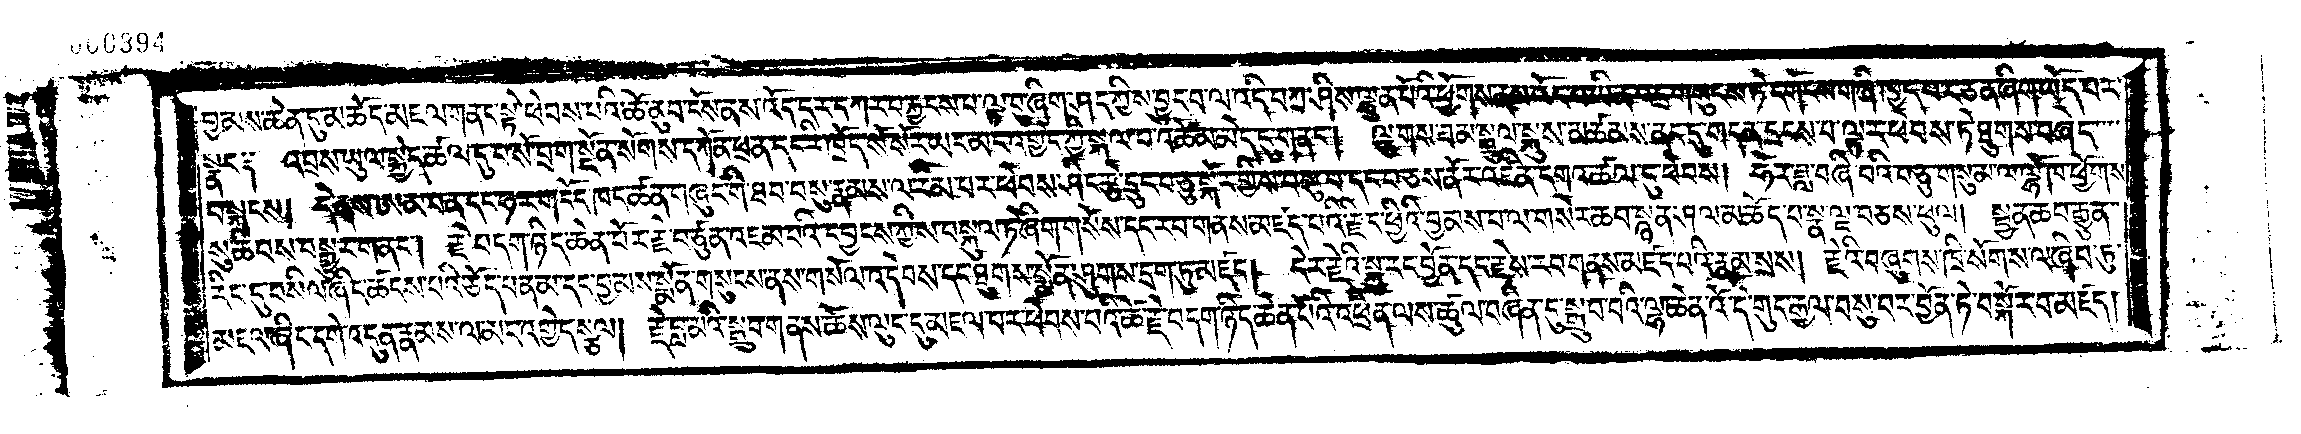བྱམས་ཆེན་དུ་མཆོད་མཇལ་གནང་སྟེ་ཕེབས་པའི་ཆོ་ནུབ་ངོས་ནས་འོད་དར་དཀར་བརྐྱངས་པ་ལྟ་བུ་ཞིག་ཤད་ཀྱིས་བྱུང་བ་ལ་འདི་བཀྲ་ཤིས་ལྷུན་བོའི་ཕྱོགས་ནས་འོང་བ་ཡིན་འདྲ་གསུངས་ཏེ་དགོངས་གཞི་ཁྱད་པར་ཅན་ཞིག་ཡོད་པར་
སྣང༑ འབྲས་ཡུལ་སྐྱེད་ཚལ་དུ་བ་སོ་བྲག་སྔོན་སོགས་དགོན་ཕྲན་དང་རི་ཁྲོད་སོ་སོར་ཡང་མང་འགྱེད་ཀྱི་སྐལ་བ་འཚོམ་མེད་དུ་གནང་། ལྕགས་ཟམ་སྤྲུལ་སྐུས་མཚམས་ནང་དུ་གདན་དྲངས་པ་ལྟར་ཕེབས་ཏེ་ཐུགས་བཞེད་
བསྐངས། དེ་ནས་ཨམ་བན་དང་ཧར་གདོང་ཁང་ཚན་གཞུང་གི་ཐབ་བསུ་རྣམས་ལ་རིམ་པར་ཕེབས་ཤིང་རྩེ་དྲུང་བཅུ་སྐོར་གྱིས་བསུ་བ་དང་བཅས་ནོར་འཛིན་དགའ་ཚལ་དུ་ཕེབས། ཧོར་ཟླ་བཞི་པའི་བཅུ་གསུམ་ལ་ལྷོ་ཁ་ཕྱོགས་
སུ་ཆིབས་བསྒྱུར་གནང་། རྗེ་བདག་ཉིད་ཆེན་པོར་རྗེ་བཙུན་འཇམ་པའི་དབྱངས་ཀྱིས་བསྐུལ་ཏེ་ཞིག་གསོས་དང་རབ་གནས་མཛད་པའི་རྫིང་ཕྱིའི་བྱམས་པ་ལ་གསེར་ཆབ་སྙན་ཤལ་མཆོད་བ་སྣ་ལྔ་བཅས་ཕུལ། སྤྱན་ཆབ་རྒྱུན་
རིང་དུ་བསིལ་ཞིང་ཚངས་པའི་ཅོད་བན་མ་དང་བྱམས་སྨོན་གསུངས་ནས་གསོལ་འདེབས་དང་ཐུགས་སྨོན་ཤུགས་དྲག་ཏུ་མཛད། དེར་རྗེའི་སྐུ་རང་བྱོན་དང་རྗེས་རབ་གནས་མཛད་པའི་རྣམ་སྲས། རྗེའི་བཞུགས་ཁྲི་སོགས་ལ་ཞིབ་ཏུ་
མཇལ་ཞིང་དགེ་འདུན་རྣམས་ལ་མང་འགྱེད་སྩལ། རྗེ་བླ་མའི་སྒྲུབ་གནས་ཆོས་ལུང་དུ་མཇལ་བར་ཕེབས་པའི་ཚེ་རྗེ་བདག་ཉིད་ཆེན་པོའི་འཕྲིན་ལས་ཚུལ་བཞིན་དུ་སྒྲུབ་པའི་ལྷ་ཆེན་འོ་དེ་གུང་རྒྱལ་བསུ་བར་བྱོན་ཏེ་བསྐོར་པ་མཛད།